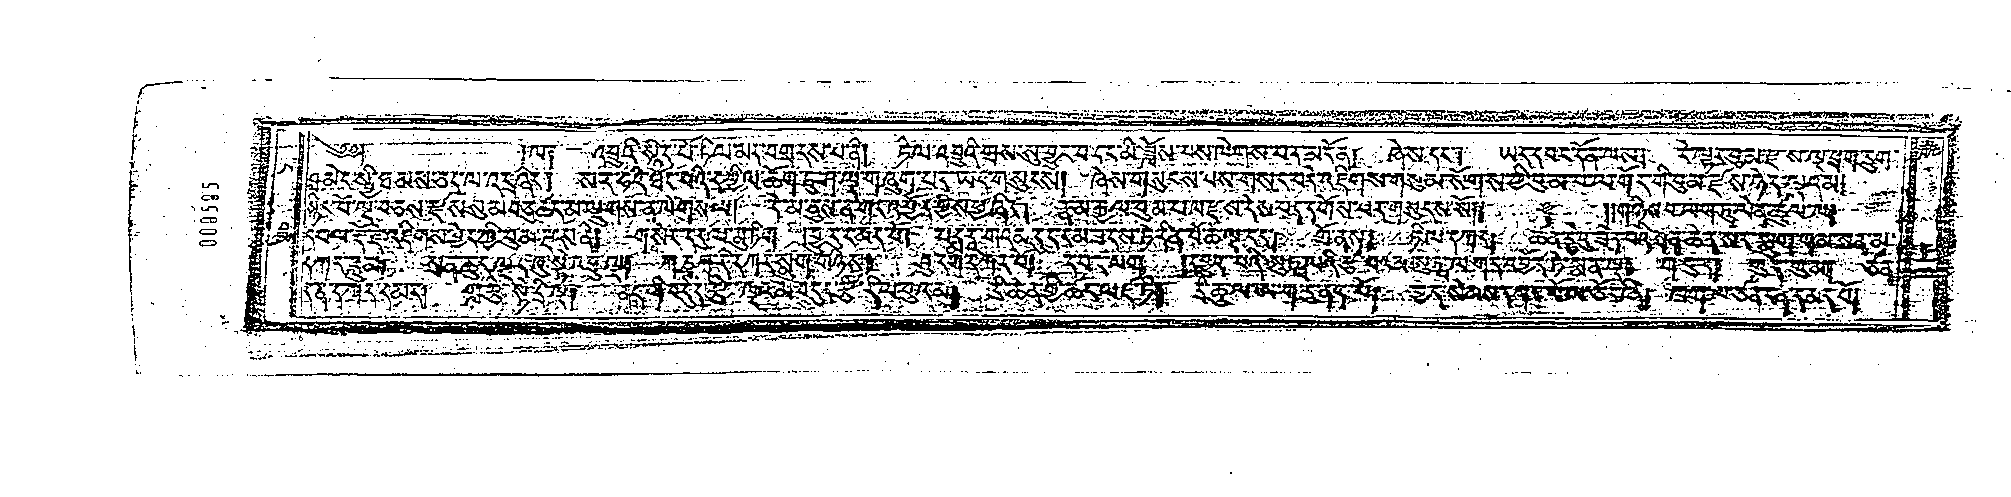༄༅། །ལ༑ འབྲུའི་སྙིང་པོ་ཏིལ་མར་བགྲངས་པ་ནི། ཏིལ་འབྲུའི་གྲས་སུ་བྱུང་བ་དང་མི་ཟློས་པས་ལེགས་པར་མངོན། ཞེས་དང་། ཡང་དབང་དོན་ལས། དེ་ལྟར་བུམ་རྫས་ལྔ་ཕྲག་དྲུག་
བླ་མེད་སྤྱི་ཐམས་ཅད་ལ་འདྲ་ཞིང་། ས་ར་ཧའི་ཐོད་པའི་དཀྱིལ་ཆོག་ཏུ་ཤ་ལྔ་གཞུག་པར་ཡང་གསུངས། ཞེས་གསུངས་པས་གསང་བདེ་འཇིགས་གསུམ་སོགས་ཀྱི་བུམ་པ་ལ་གོང་གི་བུམ་རྫས་ཉེར་ལྔའམ།
སྙིང་པོ་ལྔ་བཅས་རྫས་སུམ་བཅུ་ཚད་མ་ལྡུགས་ན་ལེགས་ལ། དེ་མ་ནུས་ན་གང་འབྱོར་གྱིས་ཕྱ་ཞིང་། རྣམ་རྒྱལ་བུམ་པ་ལ་རྫས་དེས་པར་དགོས་པར་གསུངས་སོ།། ༈ །།གཉིས་པ་ལག་ཏུ་ལེན་ཚུལ་ལ།
དབལ་རྡོ་རྗེ་འཇིགས་བྱེད་ཀྱི་བུམ་རྫས་ནི། གསེར་དངུལ་མུ་ཏིག །བྱུ་རུ་དམར་པོ། པདམ?་རཱ་གའམ་དུད་ངམ་ཟངས་ཏེ་རིན་བོ་ཆེ་ལྔ་དང་། གྲོ་ནས། ཏིལ་དཀར། ཚན་དྷེའུ་ཟེར་བའི་སྲན་ཆེན་སེར་སྨུག་གམ་སྲན་མ་
དཀར་ཟླུམ། སྲན་ཆུད་ལྗང་ཁུ་སྟེ་འབྲུ་ལྔ། ཀཎྚ་ཀ་རི་དཀར་སྨུག་གཉིས། ཤུ་དག་དགར་བོ། དབང་ལག །དབྱུག་པའི་ཨུཏྤ་ལའི་རྩ་བའམ་ཨུཏྤ་ལ་གང་འབྱོར་ཏེ་སྨན་ལྔ། ག་བུར། གུར་གུམ། ཙན་
དན་དཀར་དམར། གླ་རྩི་སྟེ་དྲི་ལྔ། ནང་གི་བདུད་རྩི་ལྔའམ་བདུད་རྩི་རིལ་བུའམ། དྲི་ཆེན་གྱི་ཚང་ལ་ཛ་ཏི། དྲི་ཆུ་ལ་ཨ་ག་རུ་ནག་པོ། བྱད་སེམས་དཀར་པོ་ལ་ཅོད་ཞི། ཁྲག་ལ་ཙན་དན་དམར་པོ།